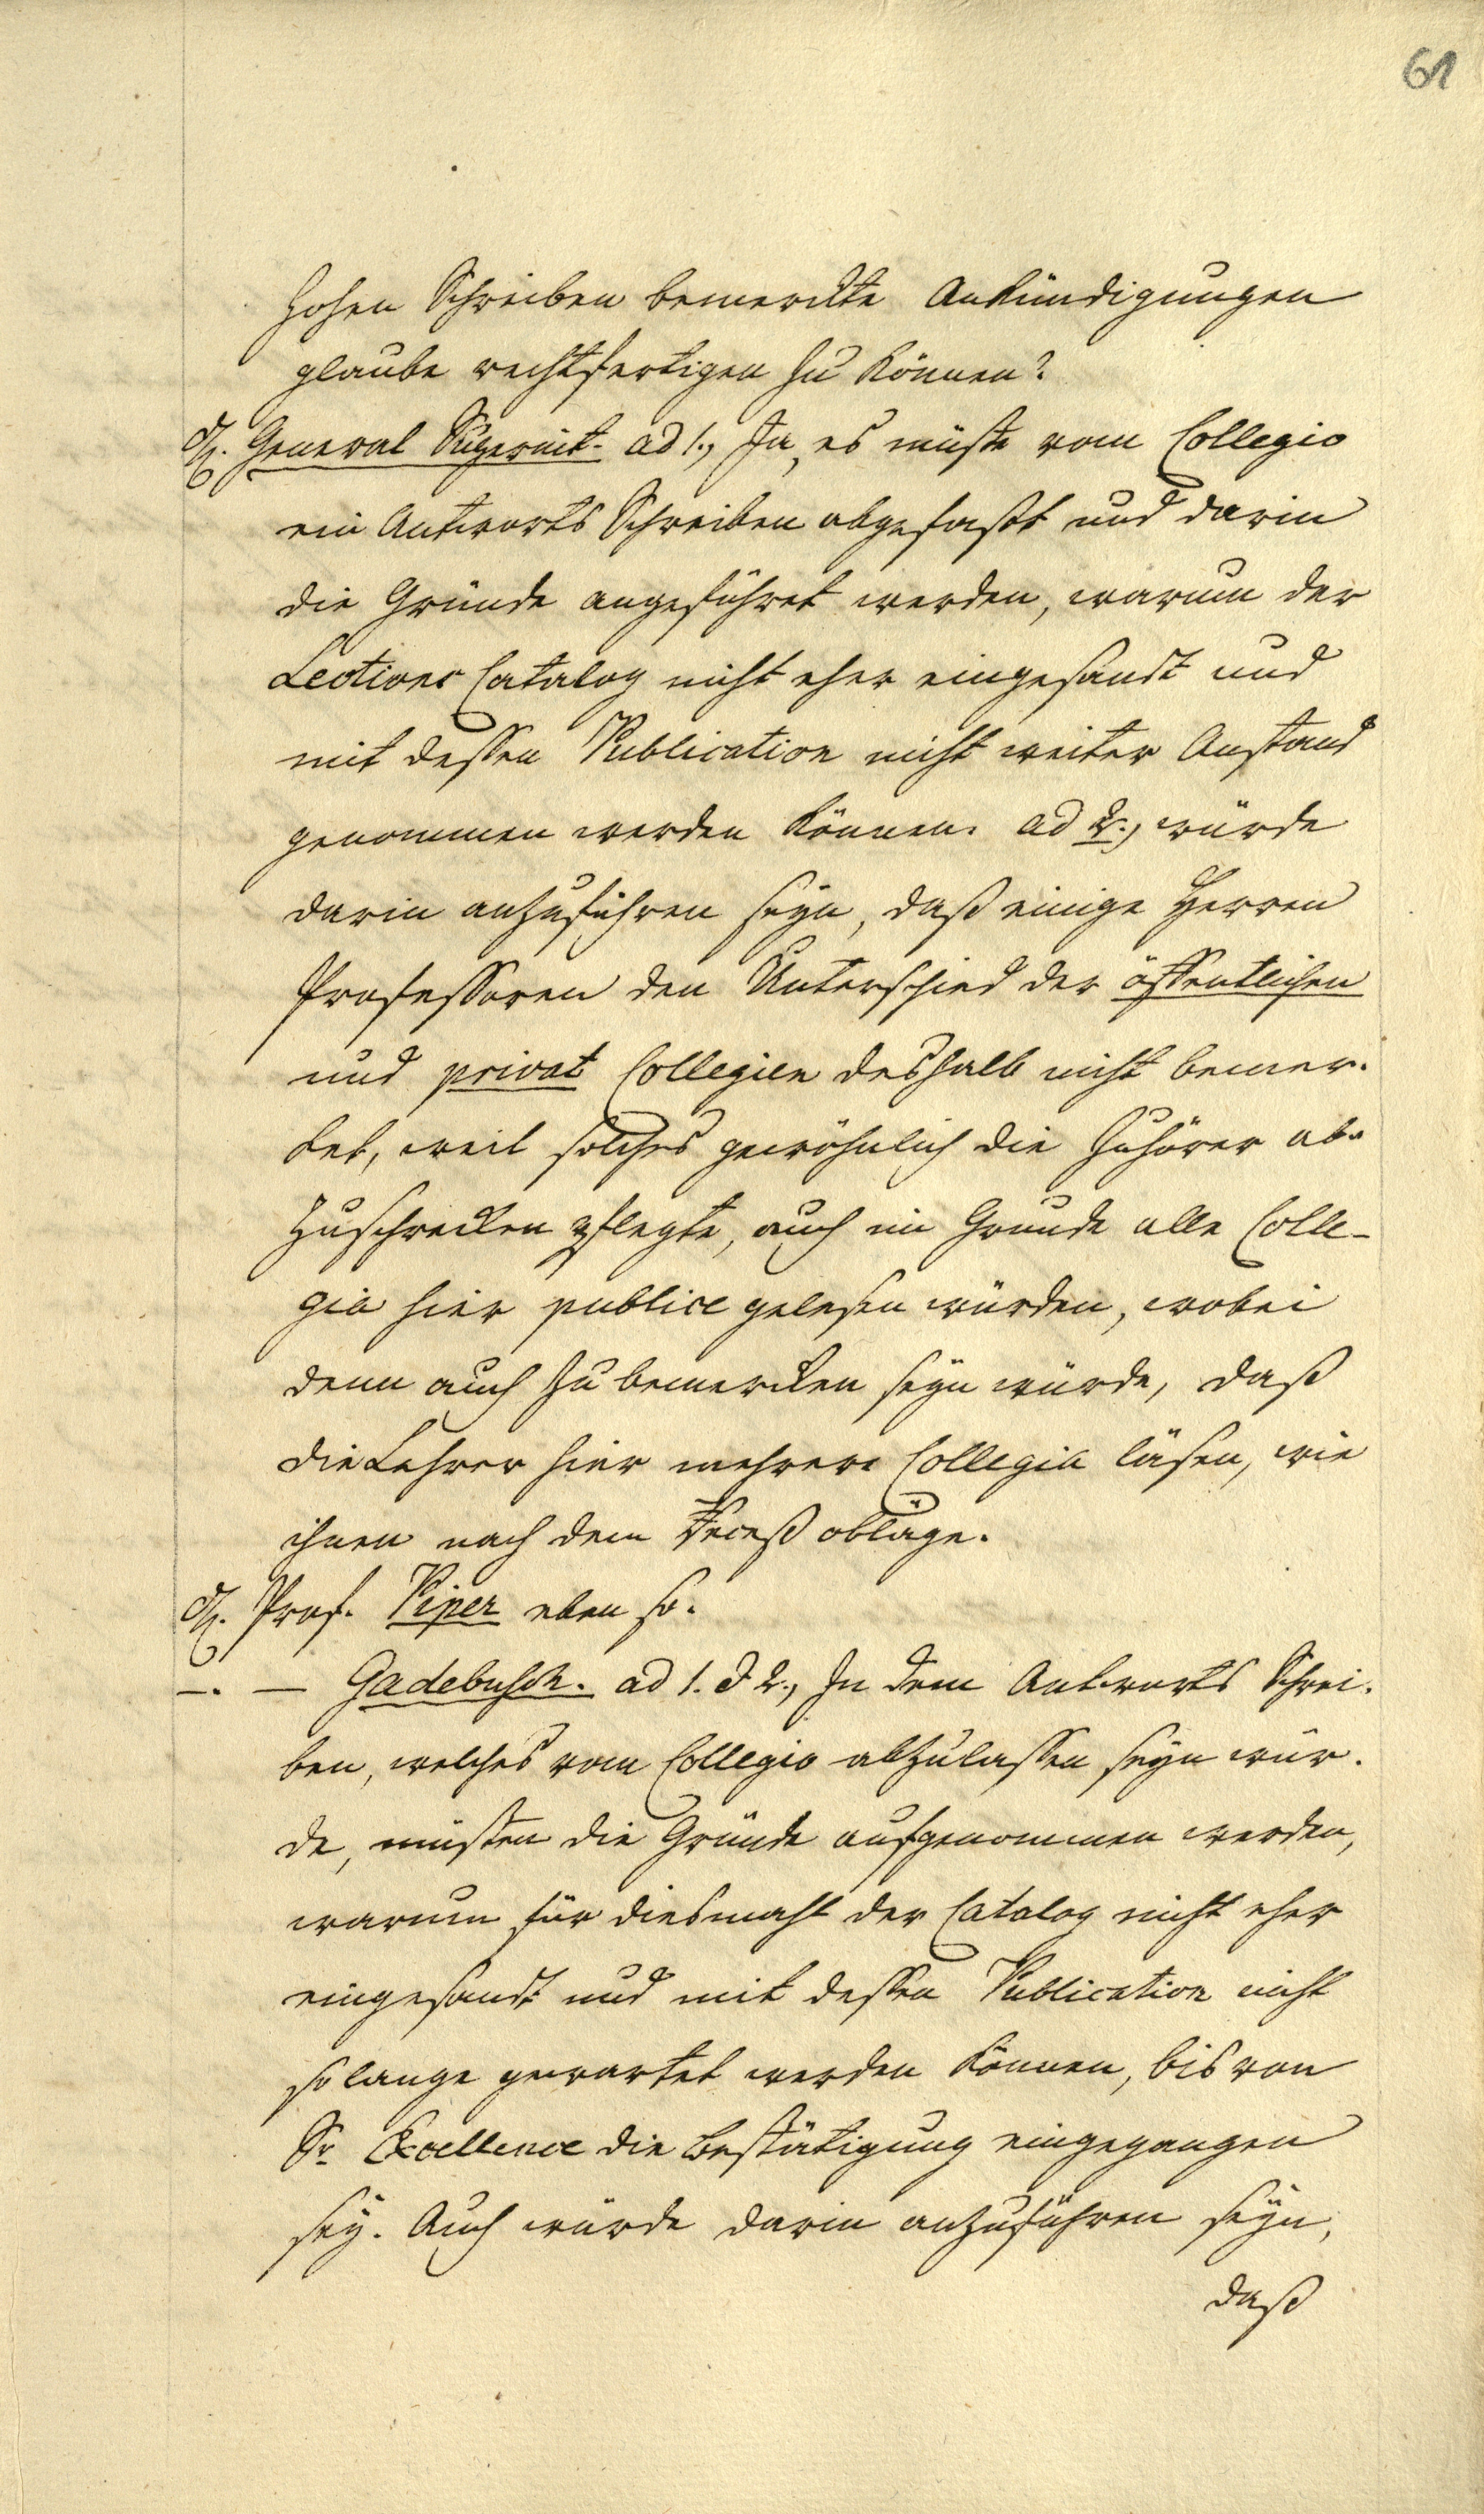hohen Schreiben bemerckte Ankündigungen
glaube rechtfertigen zu können?
dh. General Superint. ad 1., Ja es müßte vom Collegio
ein Antworts Schreiben abgefaßt und darin
die Gründe angeführet werden, warum der
Lections Catalog nicht eher eingesandt und
mit dessen Publication nicht weiter Anstand
genommen werden können: ad 2., würde
darin anzuführen seÿn, daß einige Herren
Professoren den Unterschied der öffentlichen
und privat Collegien deshalb nicht bemer¬
ket, weil solches gewöhnlich die Zuhörer ab¬
zuschrecken pflegte, auch im Grunde alle Colle¬
gien hier publice gelesen würden, wobei
denn auch zu bemercken seyn würde, daß
die Lehrer hier mehrere Collegii läsen, wie
ihnen nach dem Receß obläge.
dh. Prof. Piper eben so.
Gadebusch. ad 1. et 2., In dem Antworts Schrei¬
ben, welches vom Collegio abzulassen seÿn wür¬
de, müßten die Gründe aufgenommen werden,
warum für diesmahl der Catalog nicht eher
eingesandt und mit dessen Publication nicht
so lange gewartet werden können, bis von
Sr Excellence die Bestätigung eingegangen
seÿ. Auch würde darin anzuführen seÿn,
daß